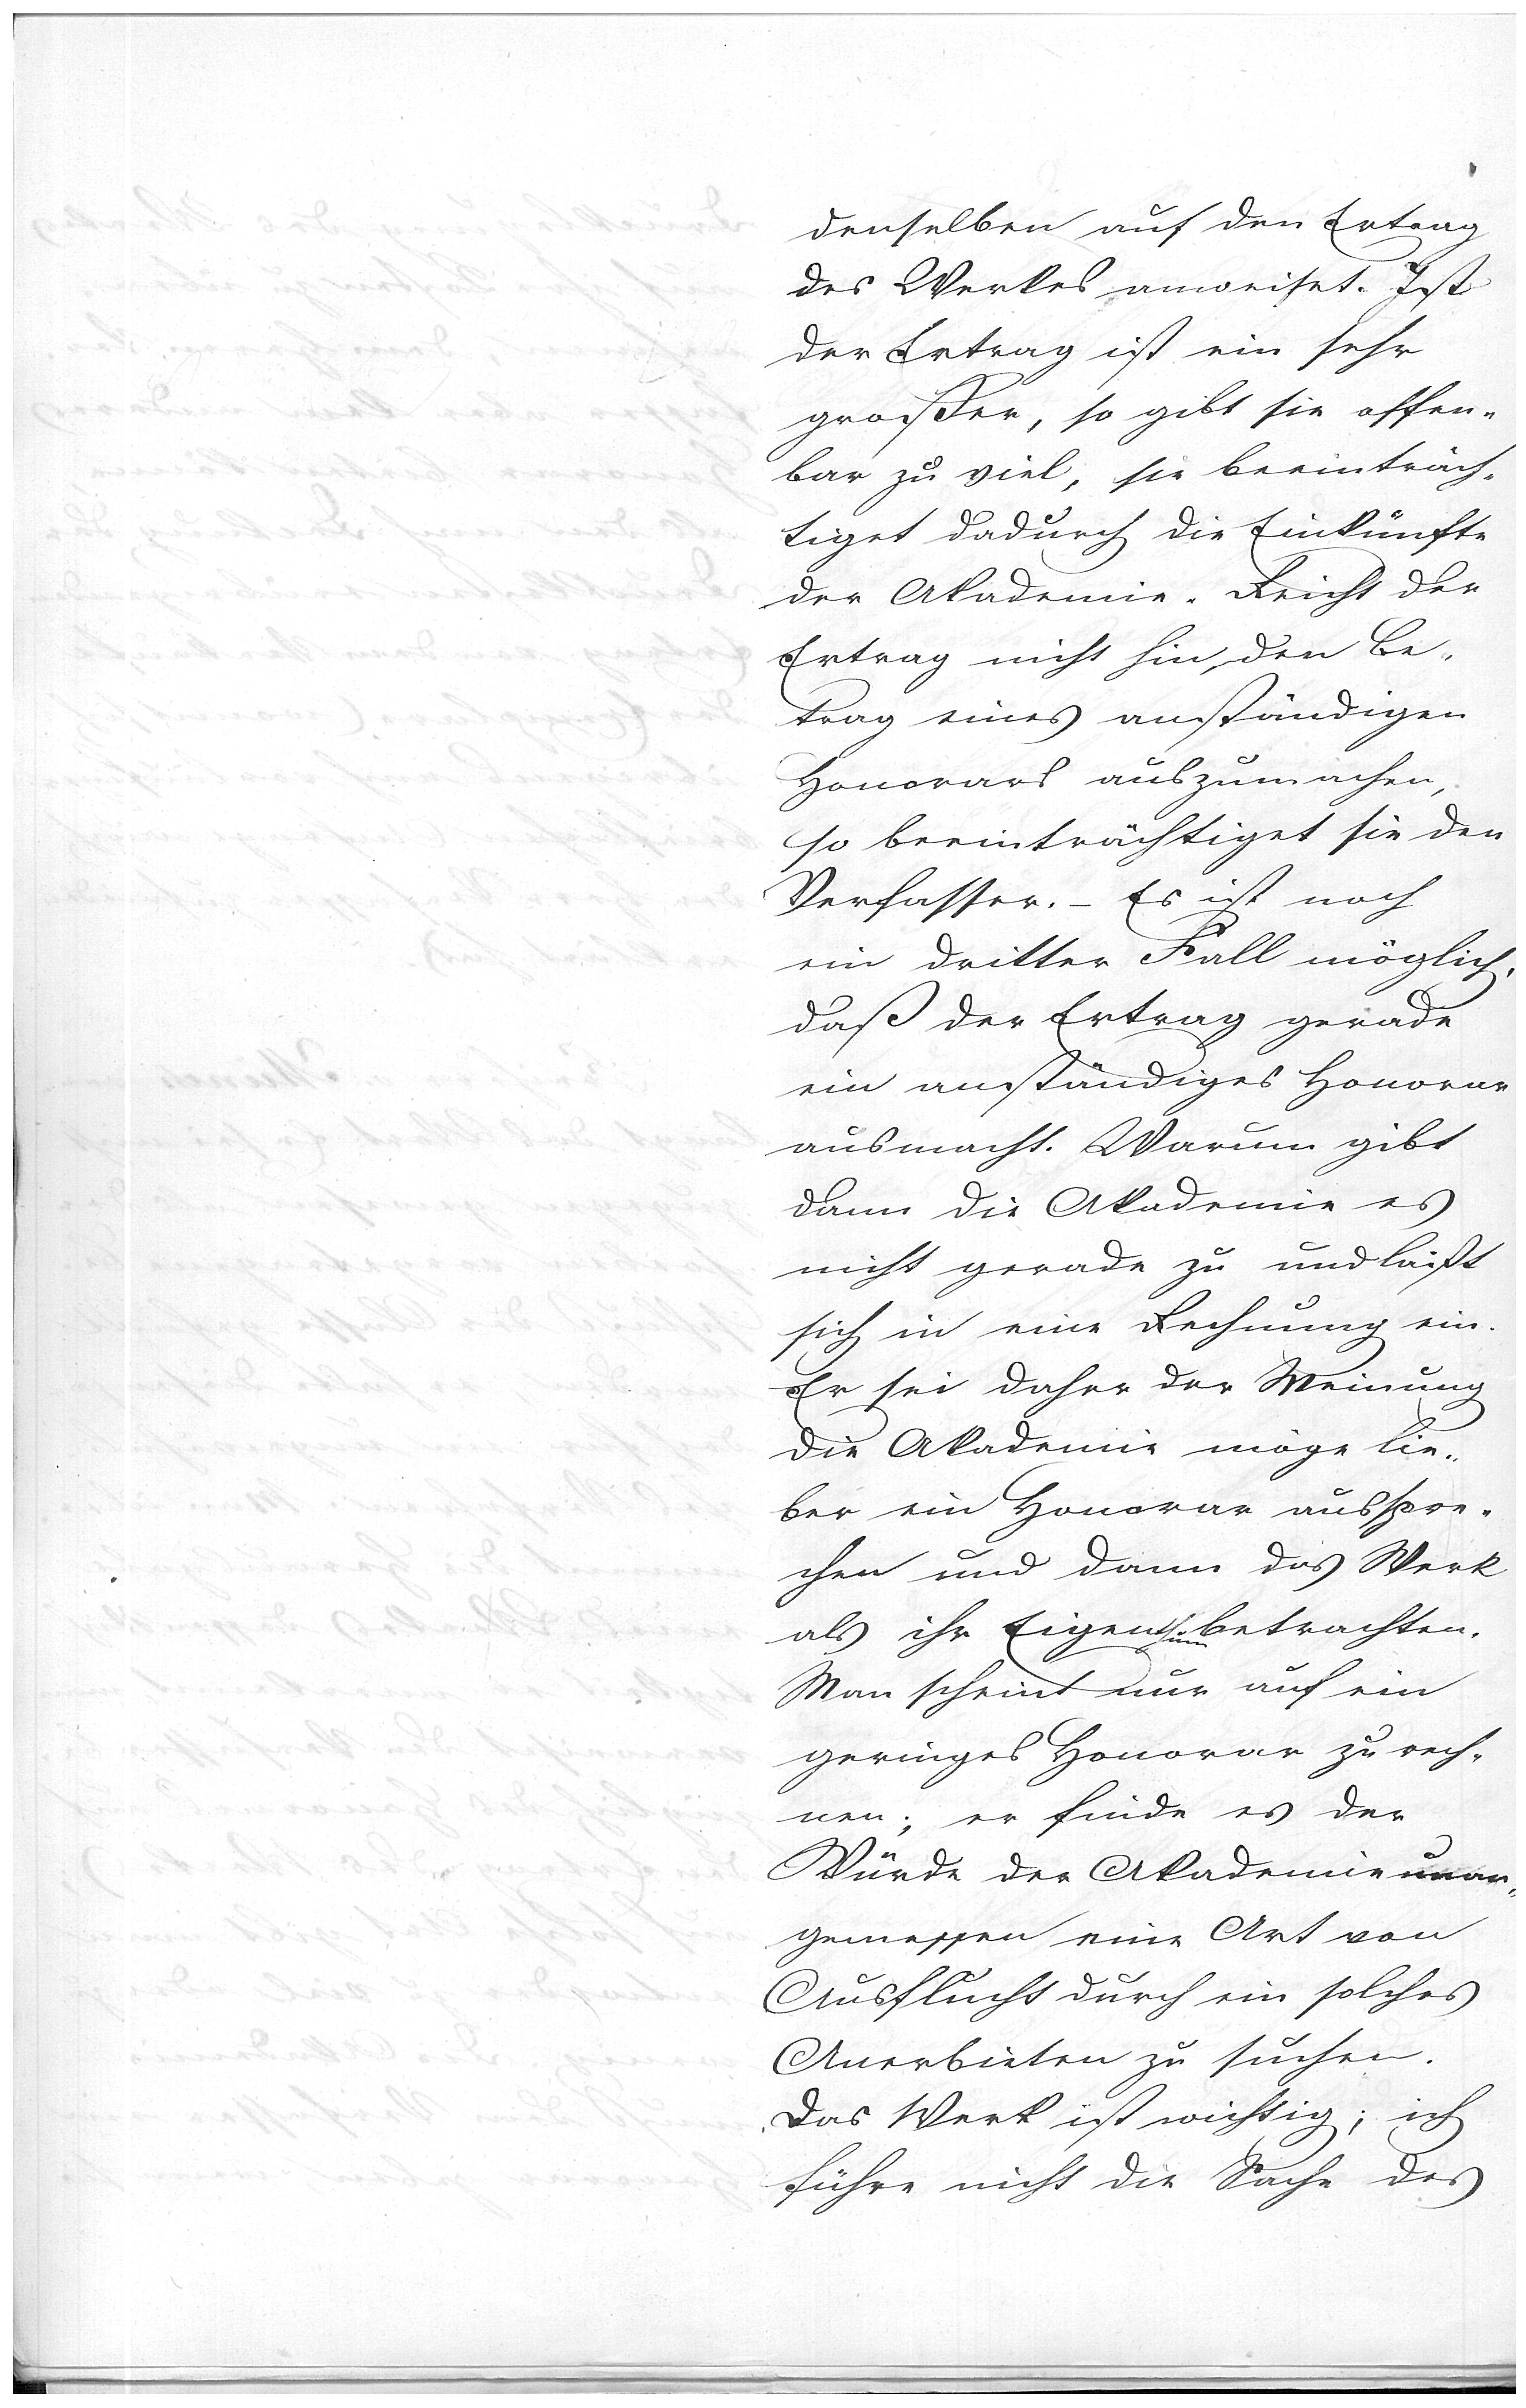denselben auf den Ertrag
des Werkes anweiset. Ist
der Ertrag ist ein sehr
großer, so gibt sie offen-
bar zu viel, sie beeinträch-
tiget dadurch die Einkünfte
der Akademie. Reicht der-
Ertrag nicht hin, den Be-
trag eines anständigen
Honorars auszumachen,
so beeinträchtiget sie den
Verfasser. Es ist noch
ein dritten Fall möglich,
daß der Ertrag gerade
ein anständiges Honorar
ausmacht. Warum geben
dann die Akademie es
nicht gerade zu und laist
sich in eine Rechnung ein.
Er sei daher der Meinung
die Akademie möge lie-
ber ein Honorar ausspre-
chen und dann das Werk
als ihr Eigenthum betrachten.
Man scheint nur auf ein
geringes Honorar zu rech-
nen; er finde es der
Würde der Akademien unan-
gemessen eine Art von
Ausflucht durch ein solches
Anerbieten zu suchen.
Das Werk ist wichtig; ich
führe nicht die Sache des